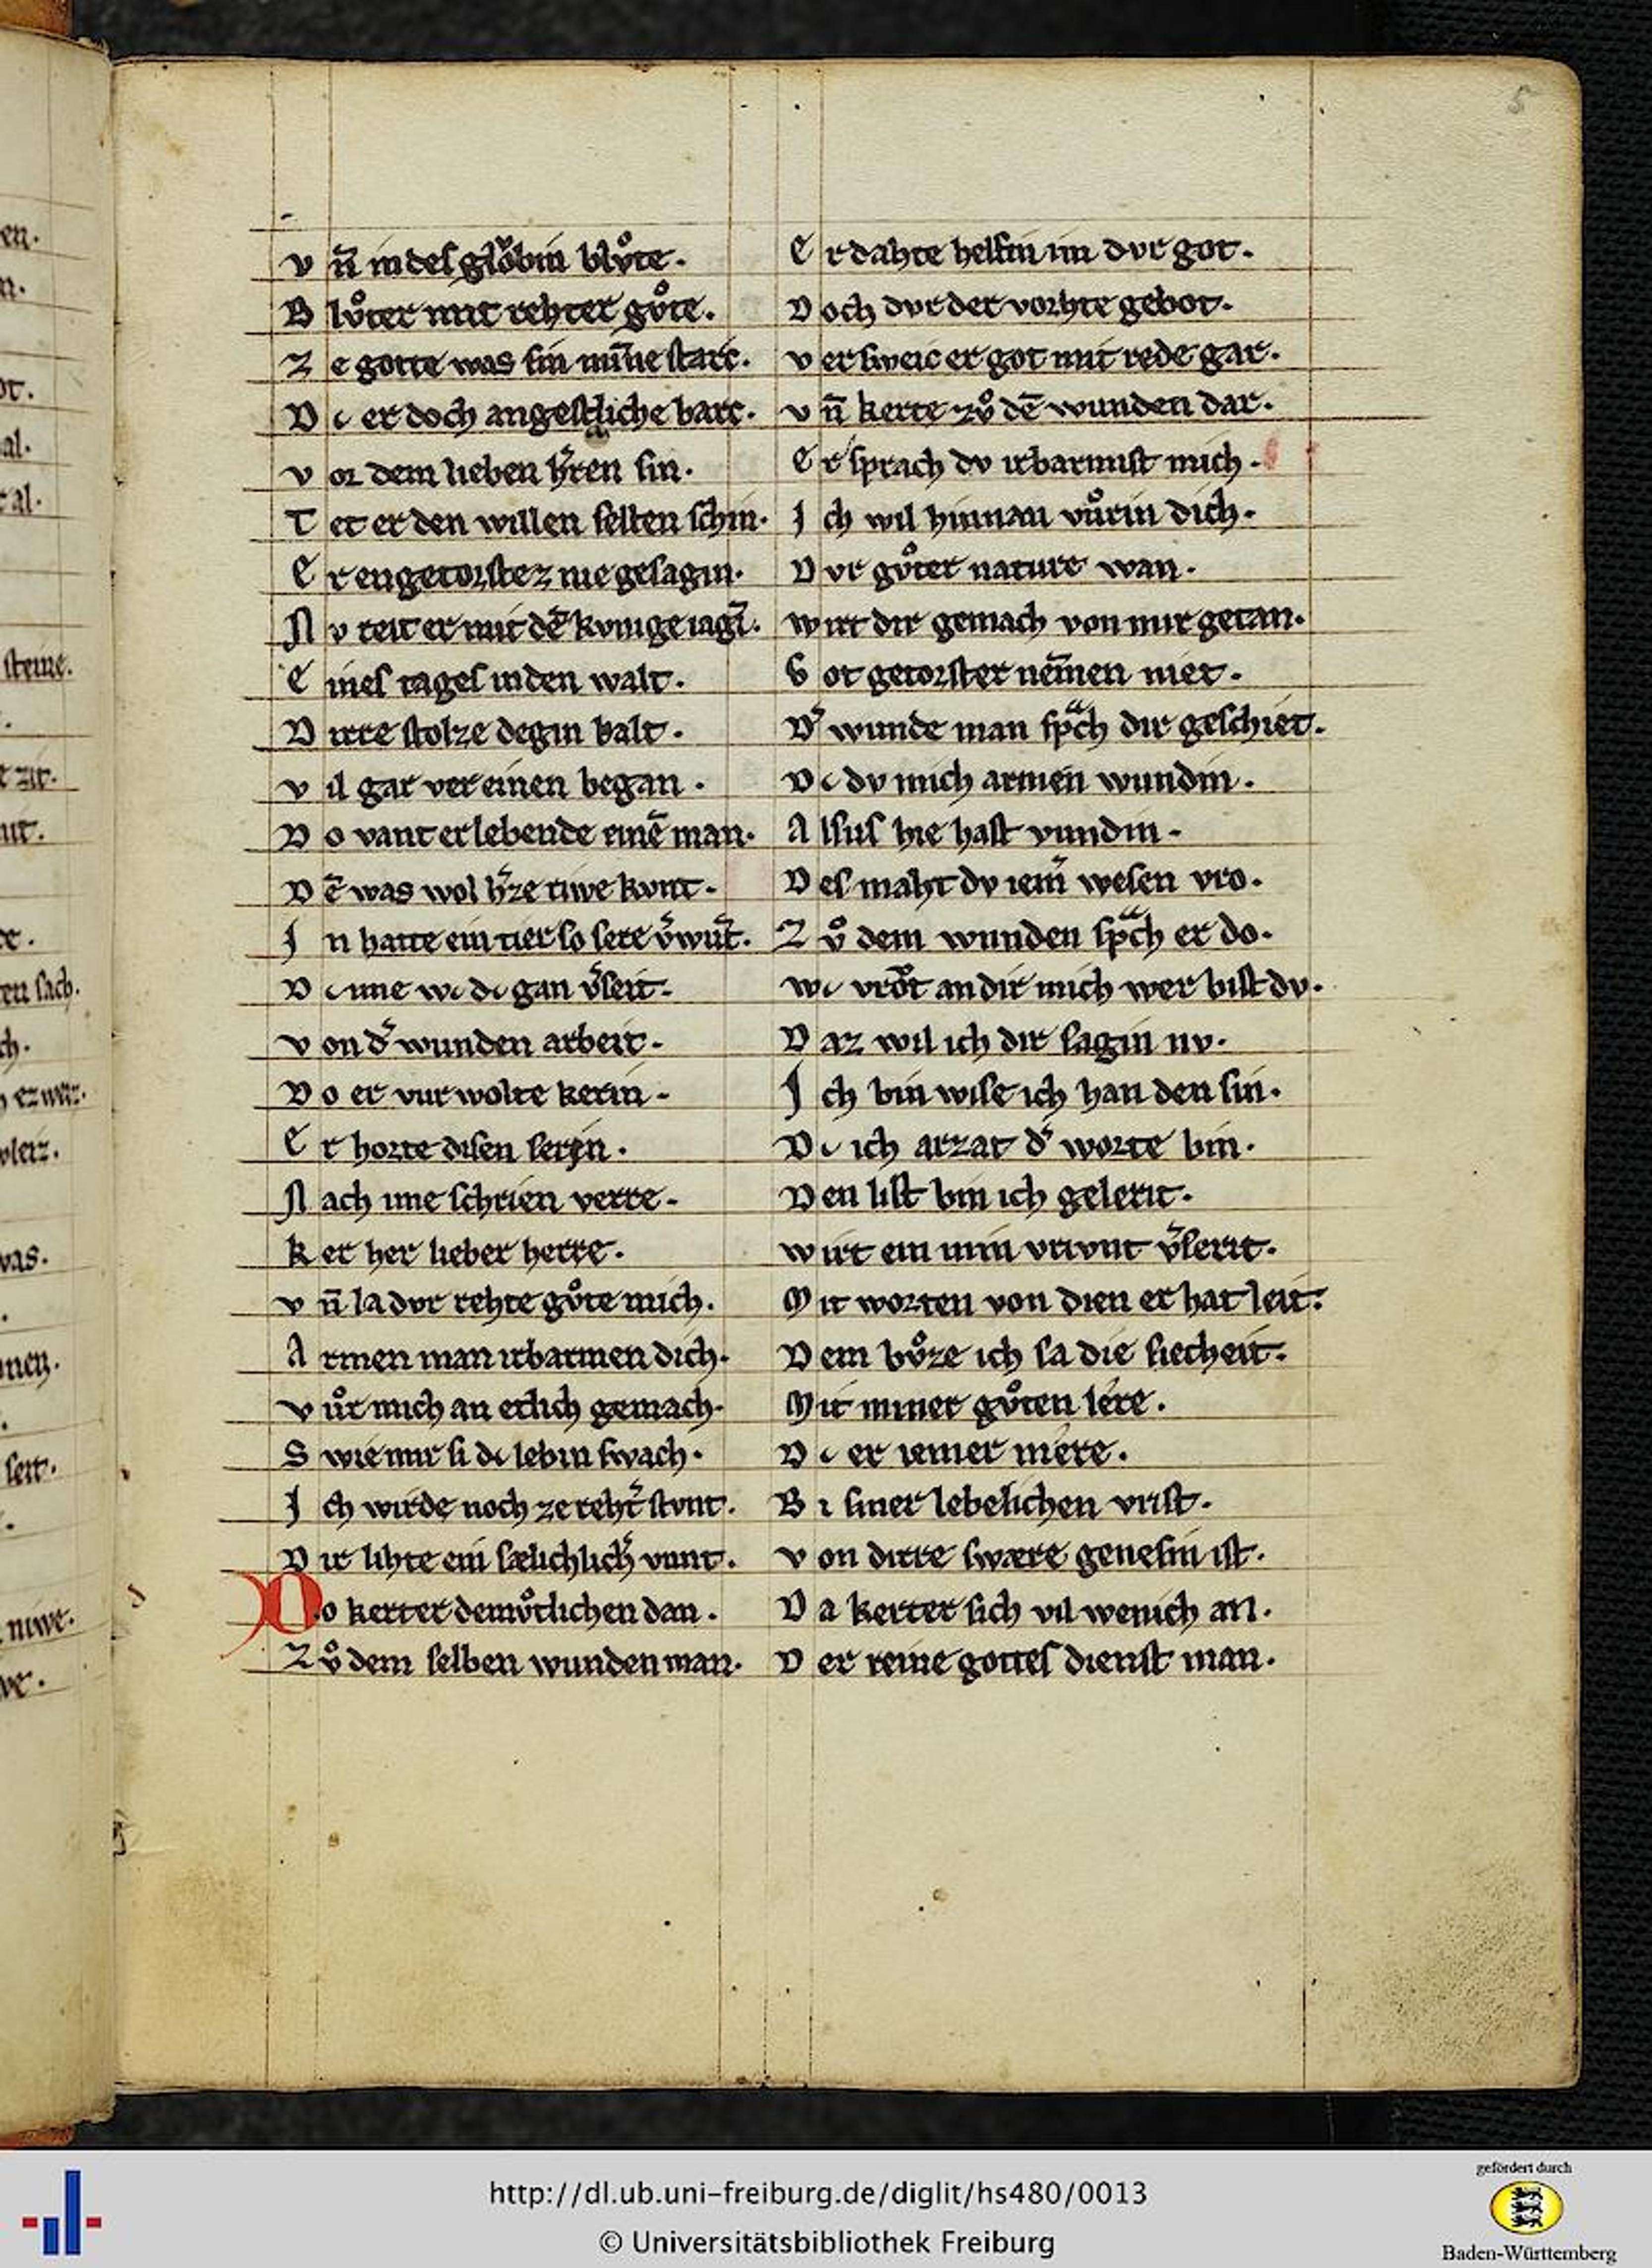Vn(d) in deſ glo°vbin blv°ote.
Blv°oter mit rehter gv°ote.
Ze gotte was ſin mi(n)ne ſtarc.
D(az) er doch angeſtliche barc.
Vor dem lieben h(er)en ſin.
Tet er den willen ſelten ſchin.
Er engetorſtez nie geſagin.
Nv reit er mit de(m) kvnige iagi(n)
Eineſ tageſ in den walt.
Dirre ſtolze degin balt.
Vil gar vereinen began.
Do vant er lebende eine(n) man.
De(m) was wol h(er)ze riwe kvnt.
In hatte ein tier ſo ſere v(er)wu(n)t.
D(az) ime w(az) d(az) gan v(er)ſeit.
Von d(er) wunden arbeit.
Do er vur wolte kerin.
Er horte diſen ſerin.
Nach ime ſchrien verre.
Ker her lieber herre.
Vn(d) la dvr rehte gv°ote mich.
Armen man irbarmen dich.
Vu°or mich an etlich gemach.
Swie mir ſi d(az) lebin ſwach.
Ich wirde noch ze reht(er) ſtvnt.
Dir lihte ein ſ[ae]lichlich(er) vunt.
*Do kerter demv°otlichen dan.
Zv°o dem ſelben wunden man.
Er dahte helfin im dvr got.
Doch dvr der vorhte gebot.
Verſweic er got mit rede gar.
Vn(d) kerte zv°o de(m) wunden dar.
Er ſprach dv irbarmiſt mich.
Ich wil hinnan vu°orin dich.
Dvr gv°oter nature wan.
Wirt dir gemach von mir getan.
Got getorſter ne(m)men niet.
D(er) wunde man sp(ra)ch dir geſchiet.
D(az) dv mich armen wundin.
Alſuſ hie haſt vundin.
Deſ maht dv iem(er) weſen vro.
Zv°o dem wunden ſp(ra)ch er do.
W(az) vro°vt an dir mich wer biſt dv.
Daz wil ich dir ſagin nv.
Ich bin wiſe ich han den ſin.
D(az) ich arzat d(er) worte bin.
Den liſt bin ich gelerit.
Wirt ein min vrivnt v(er)ſerit.
Mit worten von dien er hat leit.
Dem bv°oze ich ſa die ſiecheit.
Mit miner gv°oten lere.
D(az) er iemer mere.
Bi ſiner lebelichen vriſt.
Von dirre ſwaere geneſin iſt.
Da kerter ſich vil wenich an.
Der reine gotteſ dienſt man.